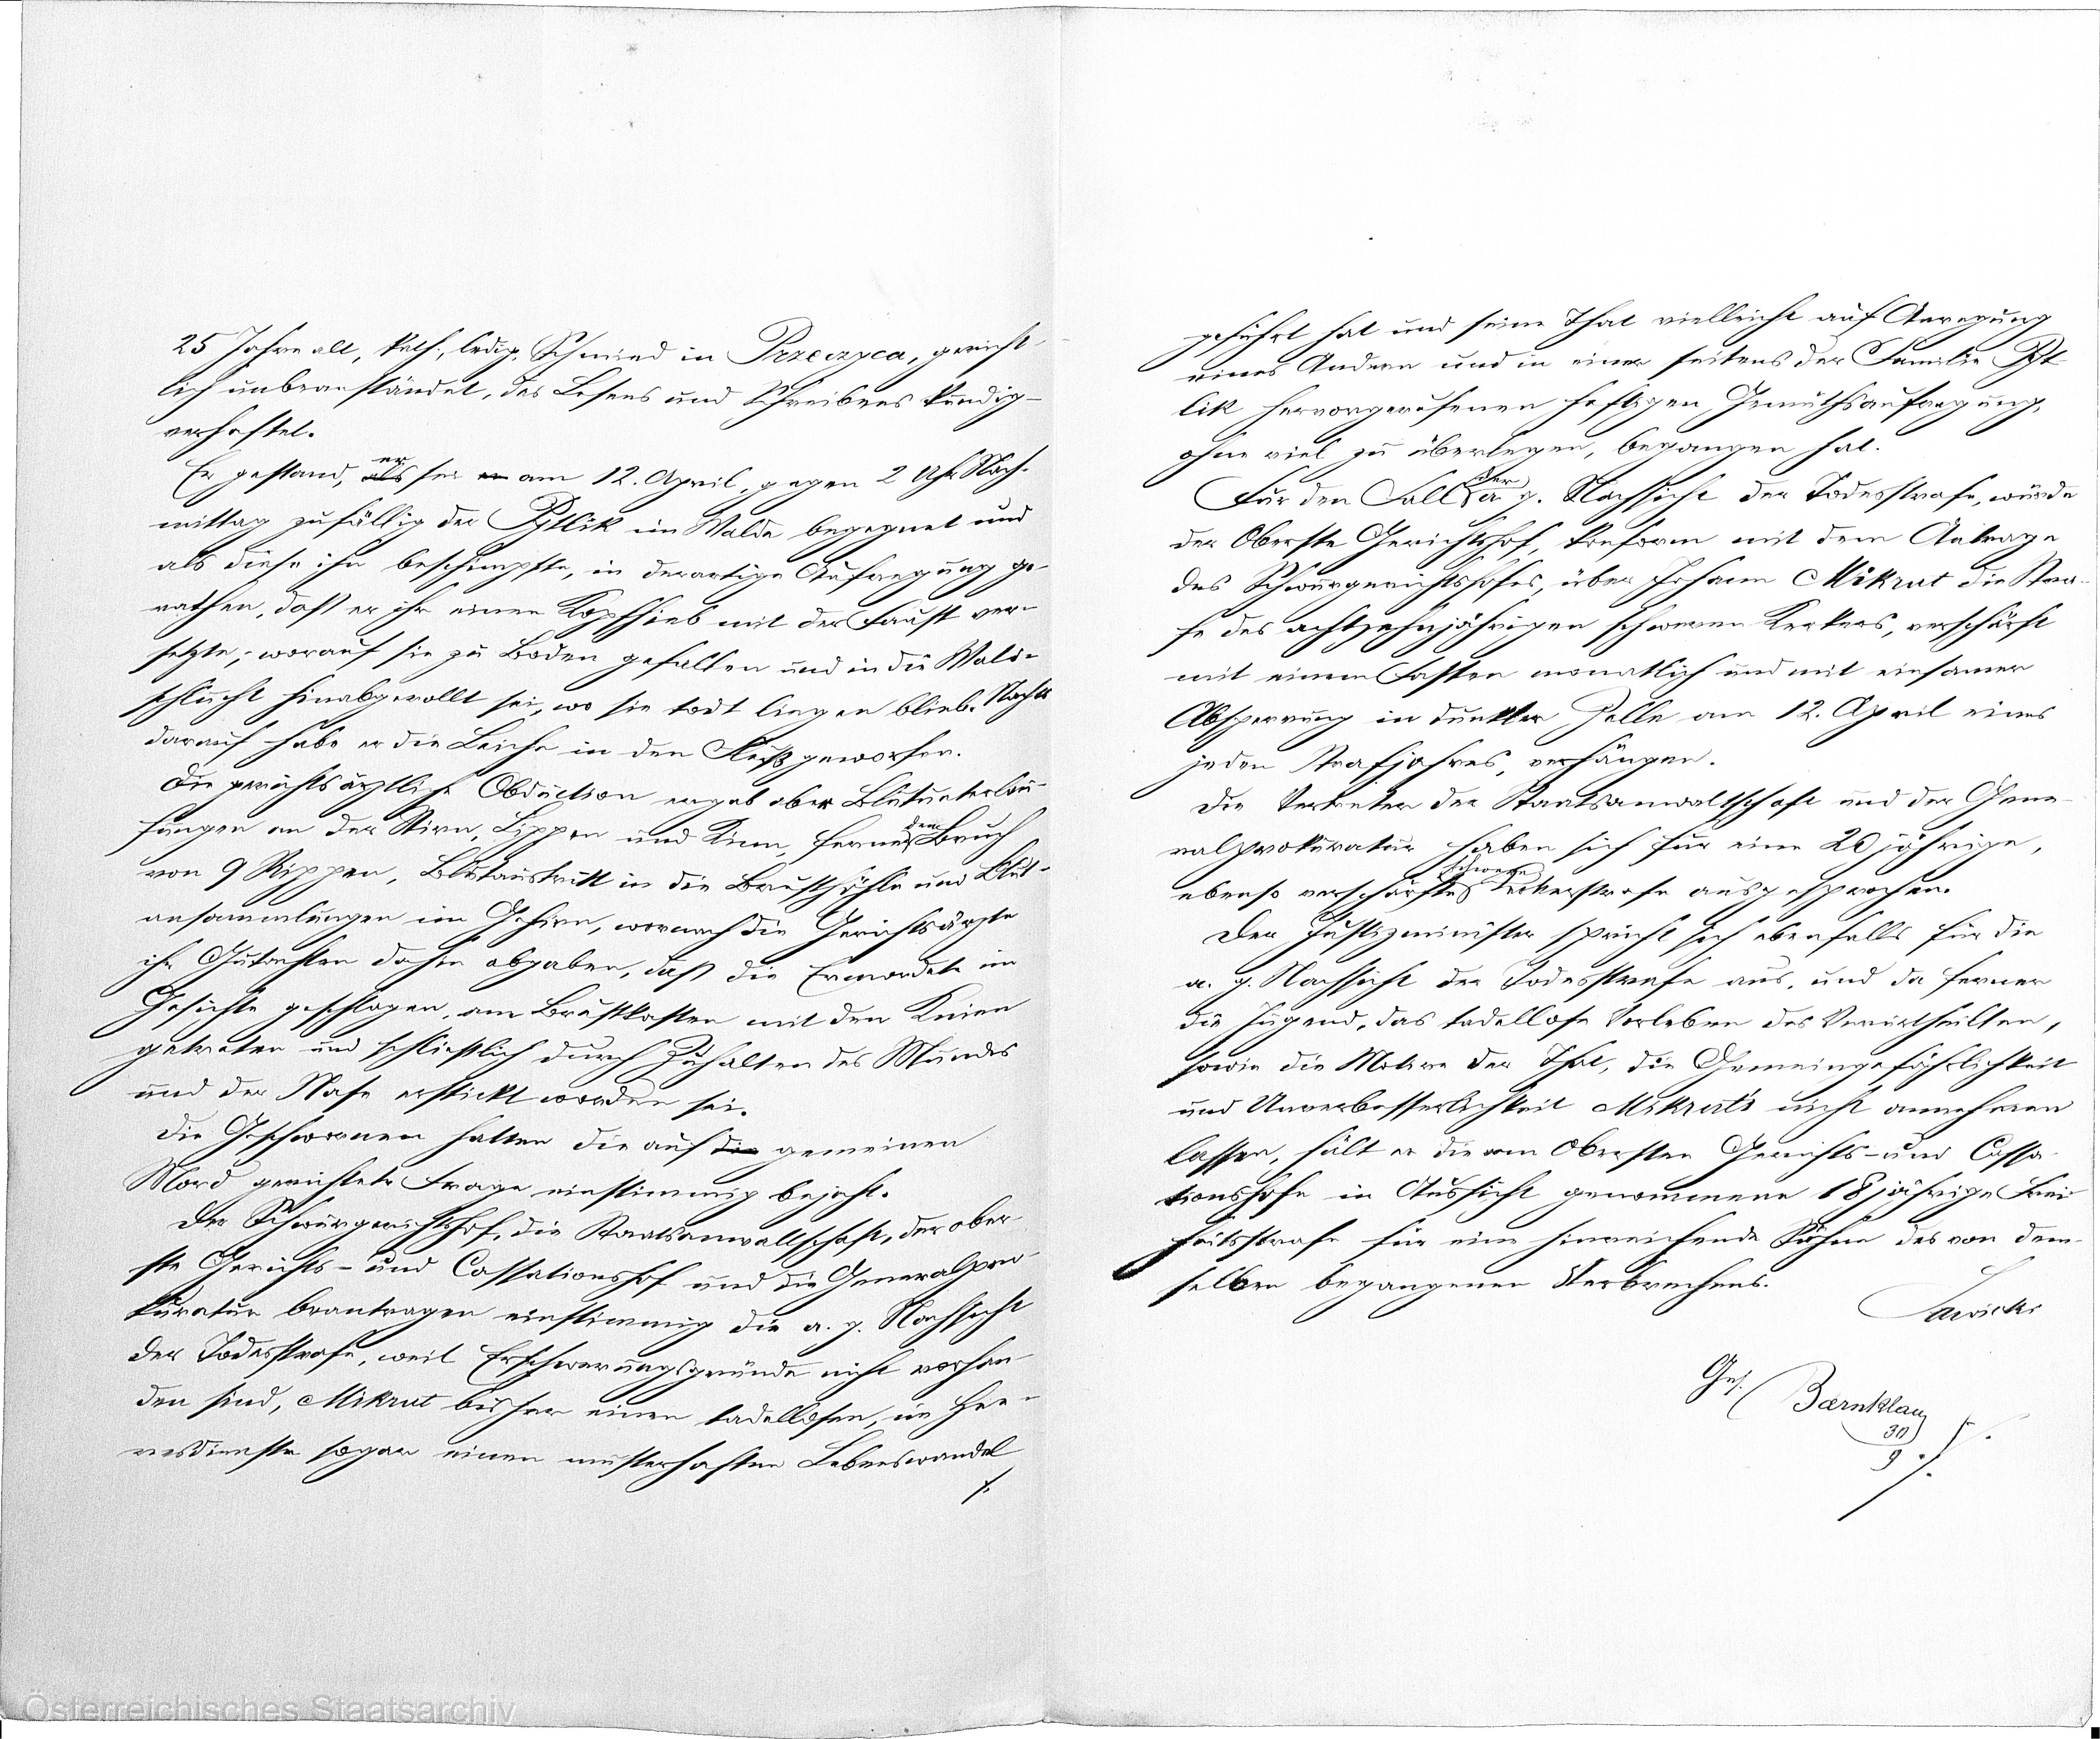25 Jahre alt, kath., ledig, Schmied in Przeczyca, gericht¬
lich unbeanständet, des Lesens und Schreibens kundig¬
verhaftet.
Er gestand, er sei am 12. April, gegen 2 Uhr Nach¬
mittag zufällig der Pytlik im Walde begegnet und
als diese ihn beschimpfte, in derartige Aufregung ge¬
rathen, daß er ihr einen Kopfhieb mit der Faust ver¬
setzte; worauf sie zu Boden gefallen und in die Wald¬
schlucht hinabgewollt sei, wo sie todt liegen blieb. Nachxx
darauf habe er die Leiche in den xx geworfen.
Die gerichtsärztliche Obduction ergab aber Blutunterlau¬
dem
fungen an der Stirn, Lippen und Kinn, ferne Bruch
von 9 Rippen, Blutaustritt in die Brusthöhle und Blut¬
ansammlungen im Gehirn, worxx die Gerichtsärzte
ihr Gutachten dahin abgaben, daß die Ermordete im
Gesichte geschlagen, am Brustkasten mit den Knien
getreten und schließlich durch Zuhalten des Mundes
und der Nase erstickt worden sei.
Die Geschwornen halten die auf gemeinen
Mord gerichtete Frage einstimmig bejaht.
Der Schwurgerichtshof, die Staatsanwaltschaft, der ober¬
ste Gerichts- und Cassationshof und die Generalpro¬
kuratur beantragen einstimmig die a. g. Nachsicht
der Todesstrafe, weil Erschwerungsgründe nicht vorhan¬
den sind, Mikrut bisher einen tadellosen, im Hee¬
resdienste sogar einen musterhaften Lebenswandel
geführt hat und seine That vielleicht auf Anregung
eines Andern und in einer seitens der Familie Pyt¬
lik hervorgerufenen festigen Gemuthsaufregung,
ohne viel zu überlegen, begangen hat.
der
Für den Fall a. g. Nachsicht der Todesstrafe, würde
der Oberste Gerichtshof, konform mit dem Antrage
des Schwurgerichtshofes, über Johann Mikrut die Stra¬
fe des achtzehnjährigen schweren Kerkers, verschärft
mit einem Fasten monatlich und mit einsamer
Absperrung in dunkler Zelle am 12. April eines
jeden Strafjahres, verhängen.
Die Vertreter der Staatsanwaltschaft und der Gene¬
ralprokuratur haben sich für eine 20jährige,
schwere
ebenso verschärfte Kerkerstrafe ausgesprochen.
Der Justizminister spricht sich ebenfalls für die
a. g. Nachsicht der Todesstrafe aus, und da ferner
die Jugend, das tadellose Vorleben des Verurtheilten,
sowie die Motive der That, die Gemeingefährlichkeit
und Unverbesserlichkeit Mikrut's nicht annehmen
lassen, hält er die xx Obersten Gerichts- und Cassa¬
tionshofe in Aussicht genommene 18jährige Frei¬
heitsstrafe für eine hinreichende Söhne des von dem¬
selben begangener Verbrechens.
Sawicki
Ges.
Barnklau
30/9